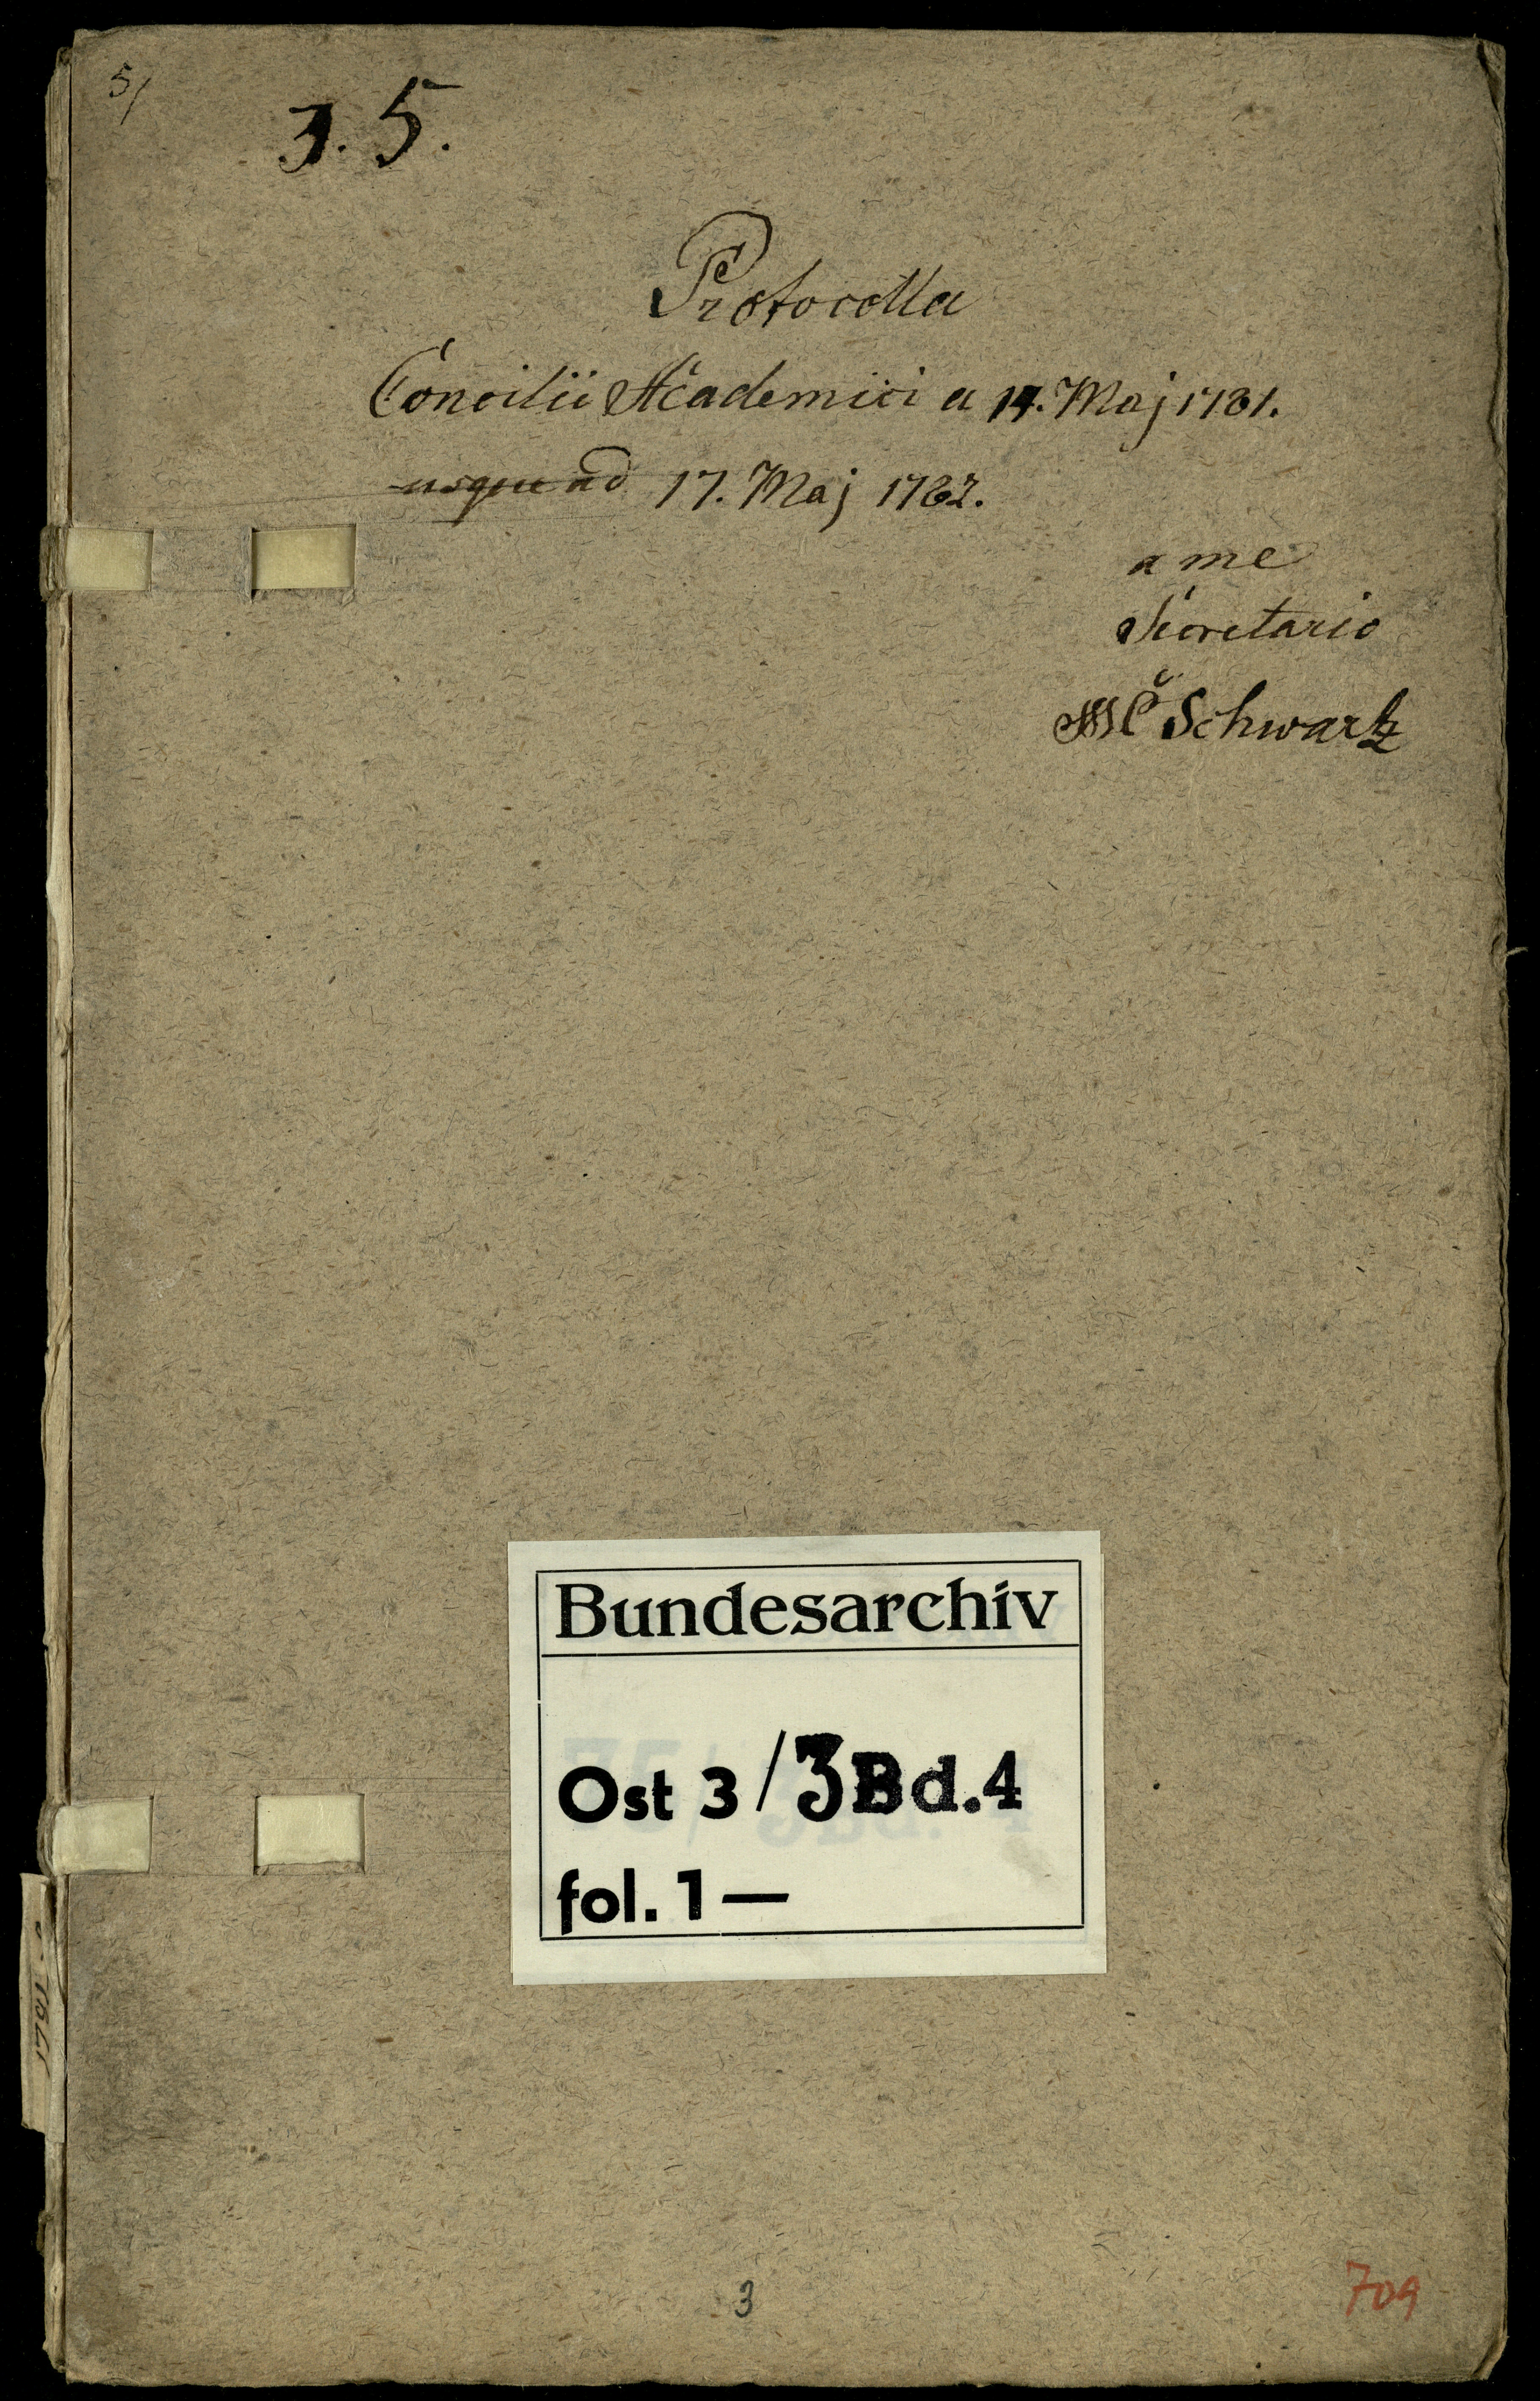Protocolla
Concilii Academici a 14. Maj 1781.
usque ad 17. Maj 1782.
a me
Secretario
M. C. Schwartz